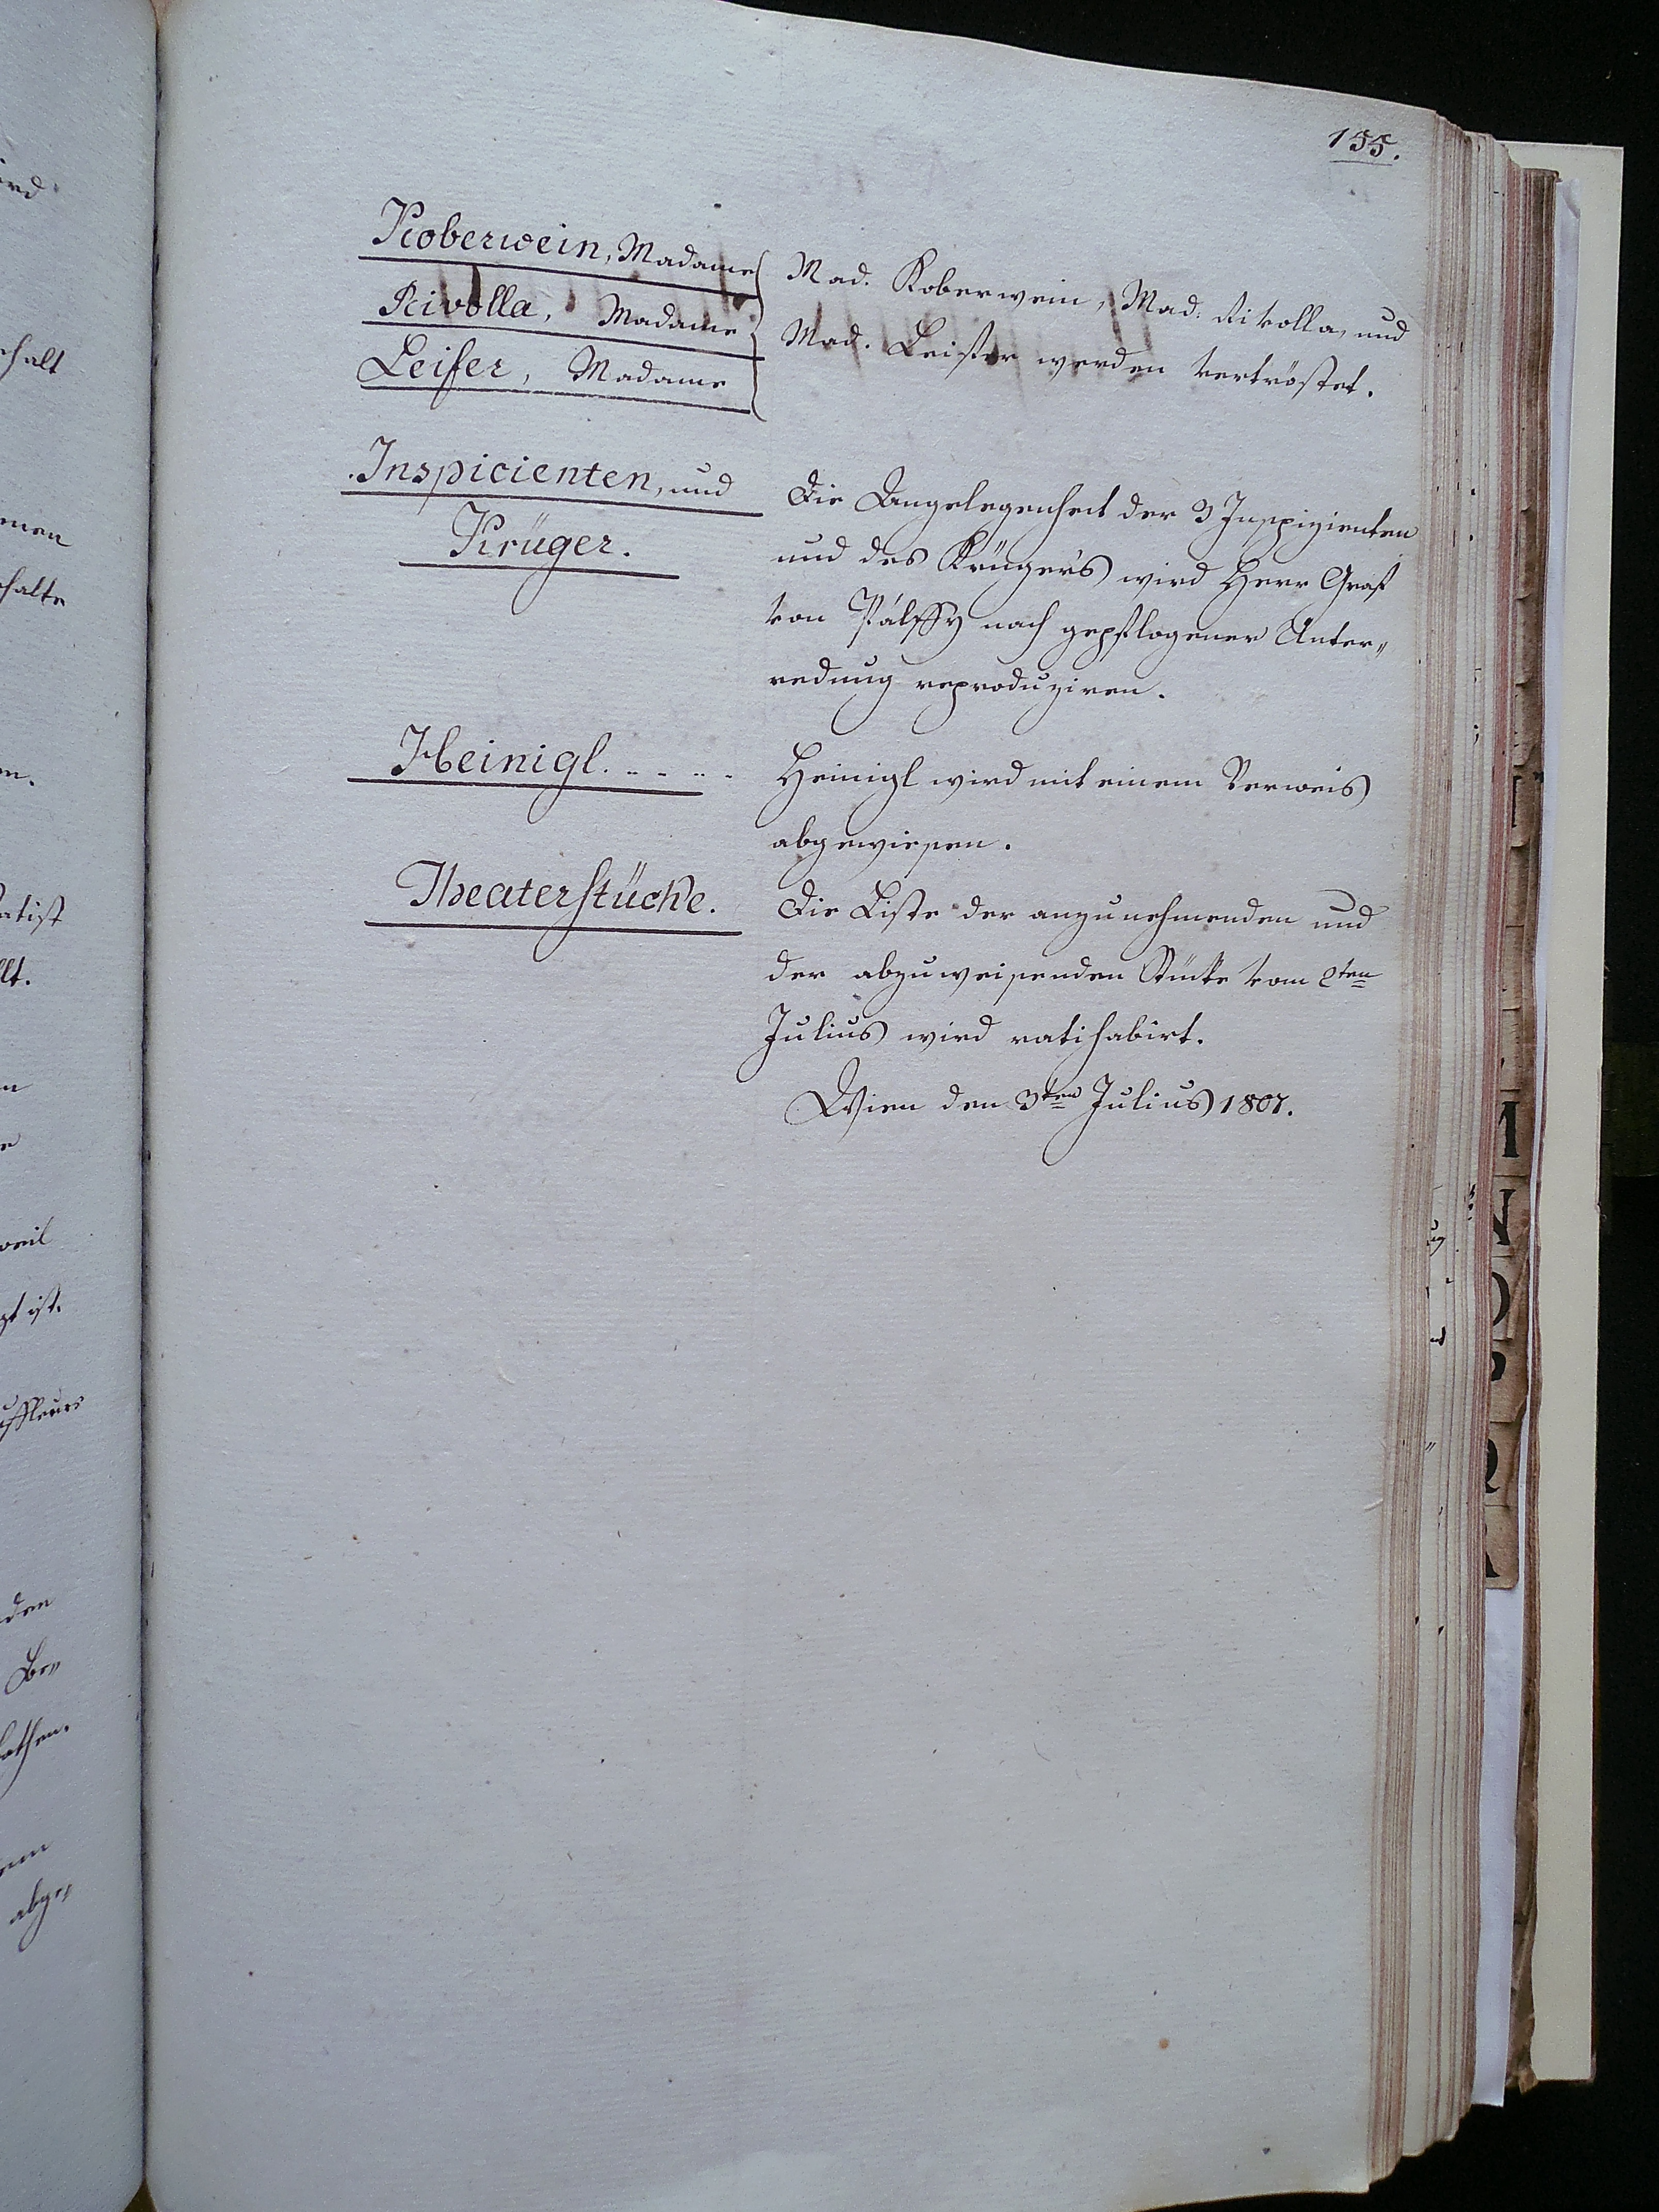155.
Koberwein, Madame
Rivolla, Madame
Leifer, Madame
Mad. Koberwein, Mad. Rivolla, und
Mad. Leifer werden vertröstet.
Inspicienten, und
Krüger.
Die Angelegenheit der 3 Inspizienten
und des Krügers wird Herr Graf
von Pálffy nach gepflogener Unter¬
redung reproduziren.
Heinigl. .. .. .. .. Heinigl wird mit einem Verweis
abgewiesen.
Theaterstücke. Die Liste der anzunehmenden und
der abzuweisenden Stücke vom 2te͇n
Julius wird ratihabirt.
Wien den 3te͇n Julius 1807.